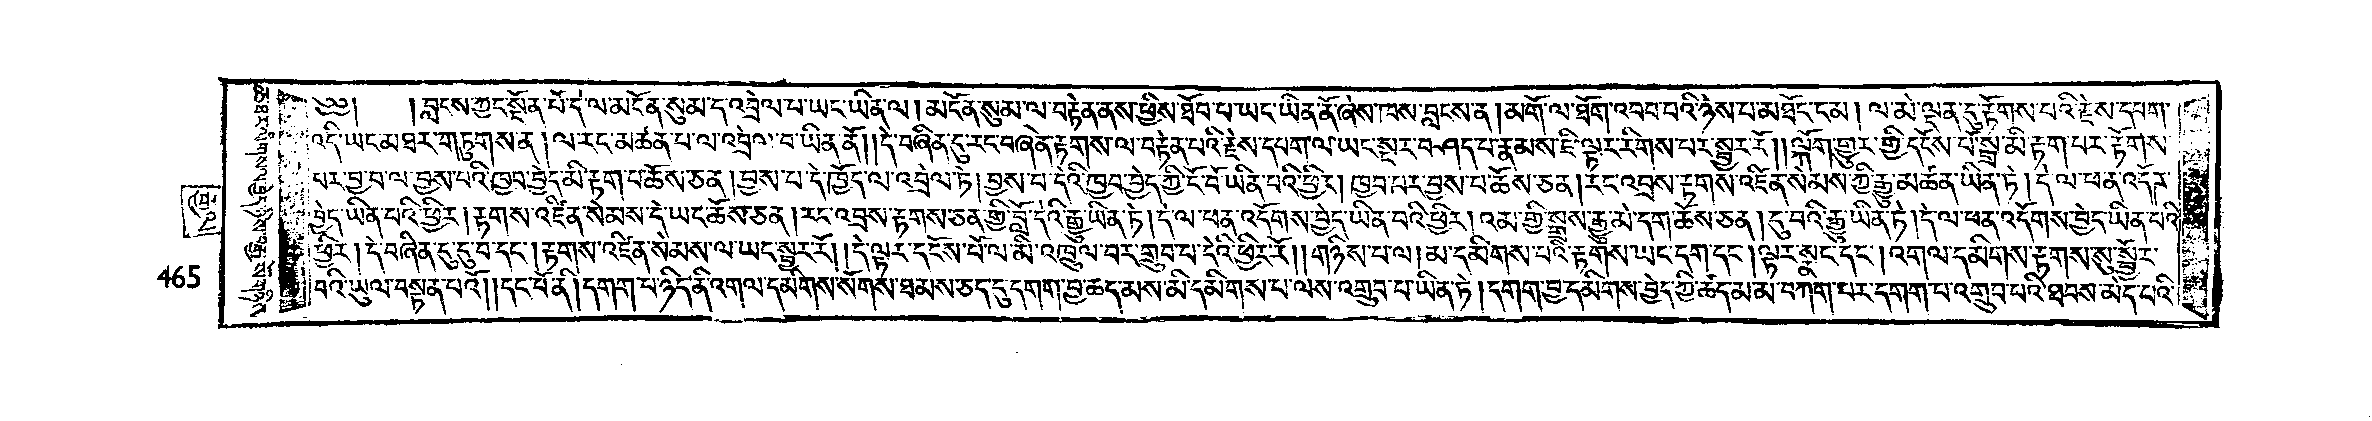༄༅། །བླངས་ཀྱང་སྔོན་པོ་དེ་ལ་མངོན་སུམ་ད་འབྲེལ་པ་ཡང་ཡིན་ལ། མངོན་སུམ་ལ་བརྟེན་ནས་ཕྱིས་ཐོབ་པ་ཡང་ཡིན་ནོ་ཞེས་ཁས་བླངས་ན། མགོ་ལ་ཐོག་འབབ་པའི་ཉེས་པ་མཐོང་ངམ། ལ་མེ་ལྡན་དུ་རྟོགས་པའི་རྗེས་དཔག་
འདི་ཡང་མཐར་གཏུགས་ན། ལ་རང་མཚན་པ་ལ་འབྲེལ་བ་ཡིན་ནོ། །དེ་བཞིན་དུ་རང་བཞེན་རྟགས་ལ་བརྟེན་པའི་རྗེས་དཔག་ལ་ཡང་སྔར་བཤད་པ་རྣམས་ཇི་ལྟར་རིགས་པར་སྦྱར་རོ། །ལྐོག་གྱུར་གྱི་དངོས་པོ་སྒྲ་མི་རྟག་པར་རྟོགས་
པར་བྱ་བ་ལ་བྱས་པའི་ཁྱབ་བྱེད་མི་རྟག་པ་ཆོས་ཅན། བྱས་པ་དེ་ཁྱོད་ལ་འབྲེལ་ཏེ། བྱས་པ་དེའི་ཁྱབ་བྱེད་ཀྱི་ངོ་བོ་ཡིན་པའི་ཕྱིར། ཁྱབ་པར་བྱས་པ་ཆོས་ཅན། རང་འབྲས་རྟགས་འཛིན་སེམས་ཀྱི་རྒྱུ་མཚན་ཡིན་ཏེ། དེ་ལ་ཕན་འདོགས་
བྱེད་ཡིན་པའི་ཕྱིར། རྟགས་འཛིན་སེམས་དེ་ཡང་ཆོས་ཅན། རང་འབྲས་རྟགས་ཅན་ཀྱི་བློ་དེའི་རྒྱུ་ཡིན་ཏེ། དེ་ལ་ཕན་འདོགས་བྱེད་ཡིན་བའི་ཕྱིར། འམ་གྱི་སྒྲས་རྒྱུ་མེ་དག་ཆོས་ཅན། དུ་བའི་རྒྱུ་ཡིན་ཏེ། དེ་ལ་ཕན་འདོགས་བྱེད་ཡིན་པའི་
ཕྱིར། དེ་བཞིན་དུ་དུ་བ་དང་། རྟགས་འཛིན་སེམས་ལ་ཡང་སྦྱར་རོ། །དེ་ལྟར་དངོས་པོ་ལ་མི་འཁྲུལ་བར་གྲུབ་པ་དེའི་ཕྱིར་རོ། །གཉིས་པ་ལ། མ་དམིགས་པའི་རྟགས་ཡང་དག་དང་། ལྟར་སྣང་དང་། འགལ་དམིགས་རྟགས་སུ་སྦྱོར་
བའི་ཡུལ་བསྟན་པའོ། །དང་པོ་ནི། དགག་པ་ཉིད་ནི་འགལ་དམིགས་སོགས་ཐམས་ཅད་དུ་དགག་བྱ་ཚད་མས་མི་དམིགས་པ་ལས་འགྲུབ་པ་ཡིན་ཏེ། དགག་བྱ་དམིགས་བྱེད་ཀྱི་ཚད་མ་མ་བཀག་པར་དགག་པ་འགྲུབ་པའི་ཐབས་མེད་པའི་